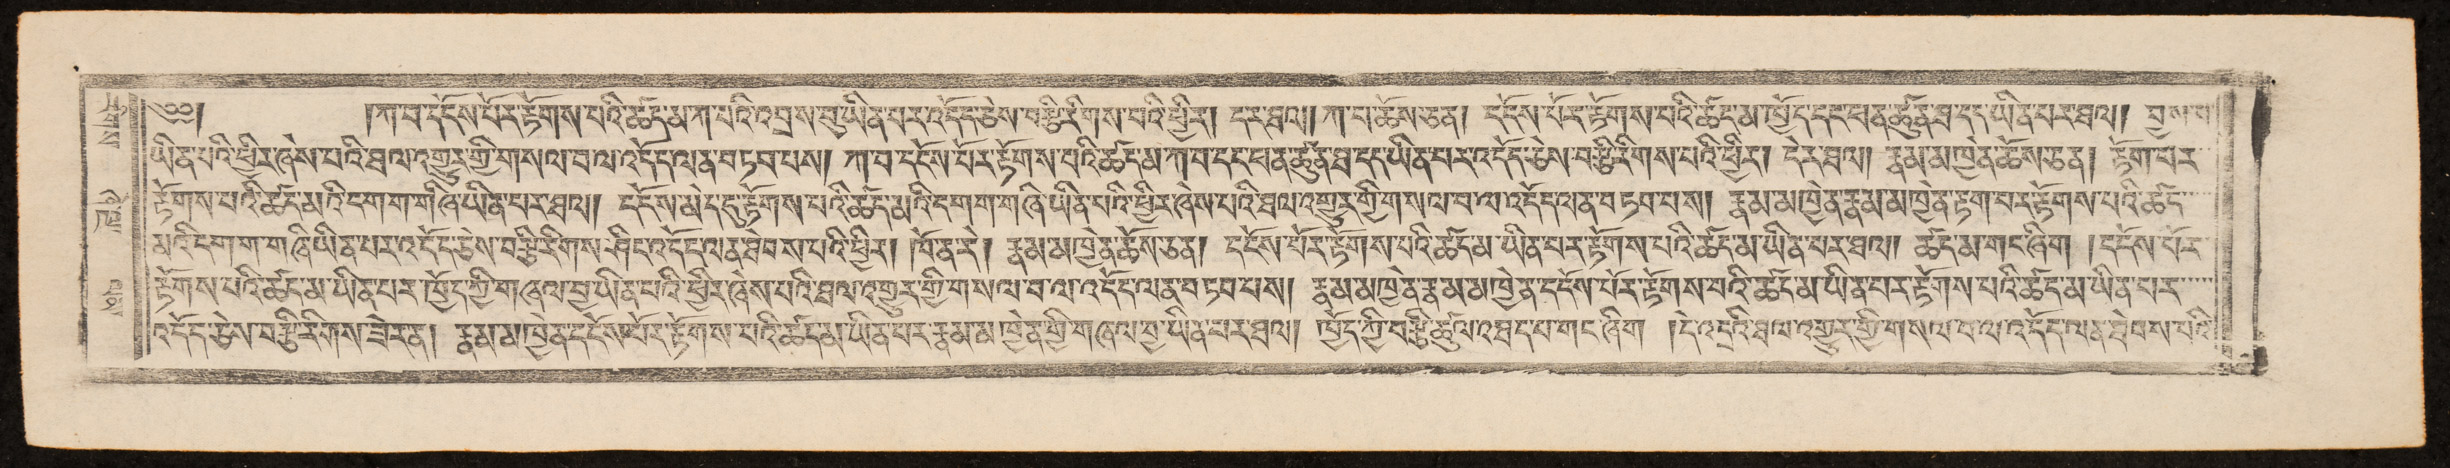༄༅། །ཀ་བ་དངོས་པོར་རྟོགས་པའི་ཚད་མ་ཀ་བའི་འབྲས་བུ་ཡིན་པར་འདོད་ཅེས་བརྩི་རིགས་པའི་ཕྱིར། དེར་ཐལ། ཀ་བ་ཆོས་ཅན། དངོས་པོར་རྟོགས་པའི་ཚད་མ་ཁྱོད་དང་ཕན་ཚུན་ཐ་དད་ཡིན་པར་ཐལ། བྱས་པ་
ཡིན་པའི་ཕྱིར་ཞེས་པའི་ཐལ་འགྱུར་གྱི་གསལ་བ་ལ་འདོད་ལན་བཏབ་པས། ཀ་བ་དངོས་པོར་རྟོགས་པའི་ཚད་མ་ཀ་བ་དང་ཕན་ཚུན་ཐ་དད་ཡིན་པར་འདོད་ཅེས་བརྩི་རིགས་པའི་ཕྱིར། དེར་ཐལ། རྣམ་མཁྱེན་ཆོས་ཅན། རྟག་པར་
རྟོགས་པའི་ཚད་མའི་དགག་གཞི་ཡིན་པར་ཐལ། དངོས་མེད་དུ་རྟོགས་པའི་ཚད་མའི་དགག་གཞི་ཡིན་པའི་ཕྱིར་ཞེས་པའི་ཐལ་འགྱུར་གྱི་གསལ་བ་ལ་འདོད་ལན་བཏབ་པས། རྣམ་མཁྱེན་རྣམ་ཚད་མ་ཡིན་པར་རྣམ་མཁྱེན་གྱི་གཞལ་བྱ་ཡིན་པར་ཐལ། ཁྱོད་
མའི་དགག་གཞི་ཡིན་པར་འདོད་ཅེས་བརྩི་རིགས་ཤིང་འདོད་ལན་ཐེབས་པའི་ཕྱིར། ཁོ་ན་རེ། རྣམ་མཁྱེན་ཆོས་ཅན། དངོ་སྤོར་རྟོགས་པའི་ཚད་མ་ཡིན་པར་རྟོགས་པའི་ཚད་མ་ཡིན་པར་ཐལ། །ཚད་མ་གང་ཞིག། དངོས་པོར་
རྟོགས་པའི་ཚད་མ་ཡིན་པར་ཁྱོད་ཀྱི་གཞལ་བྱ་ཡིན་པའི་ཕྱིར་ཞེས་པའི་ཐལ་འགྱུར་གྱི་གསལ་བ་ལ་འདོད་ལན་བཏབ་པས། རྣམ་མཁྱེན་རྣམ་མཁྱེན་དངོས་པོར་རྟོགས་པའི་ཚད་མ་ཡིན་པར་རྟོགས་པའི་ཚད་མ་ཡིན་པར་
འདོད་ཅེས་རྩི་རིགས་ཟེར་ན། རྣམ་མཁྱེན་དངོས་པོར་རྟོགས་པའི་ཚད་མ་ཡིན་པར་རྣམ་མཁྱེན་གྱི་གཞལ་བྱ་ཡིན་པར་ཐལ། ཁྱོད་ཀྱི་བརྩི་ཚུལ་འཐད་པར་གང་ཞིག། དེ་འདྲའི་ཐལ་འགྱུར་གྱི་གསལ་བ་ལ་འདོད་ལན་ཐེབས་པའི་